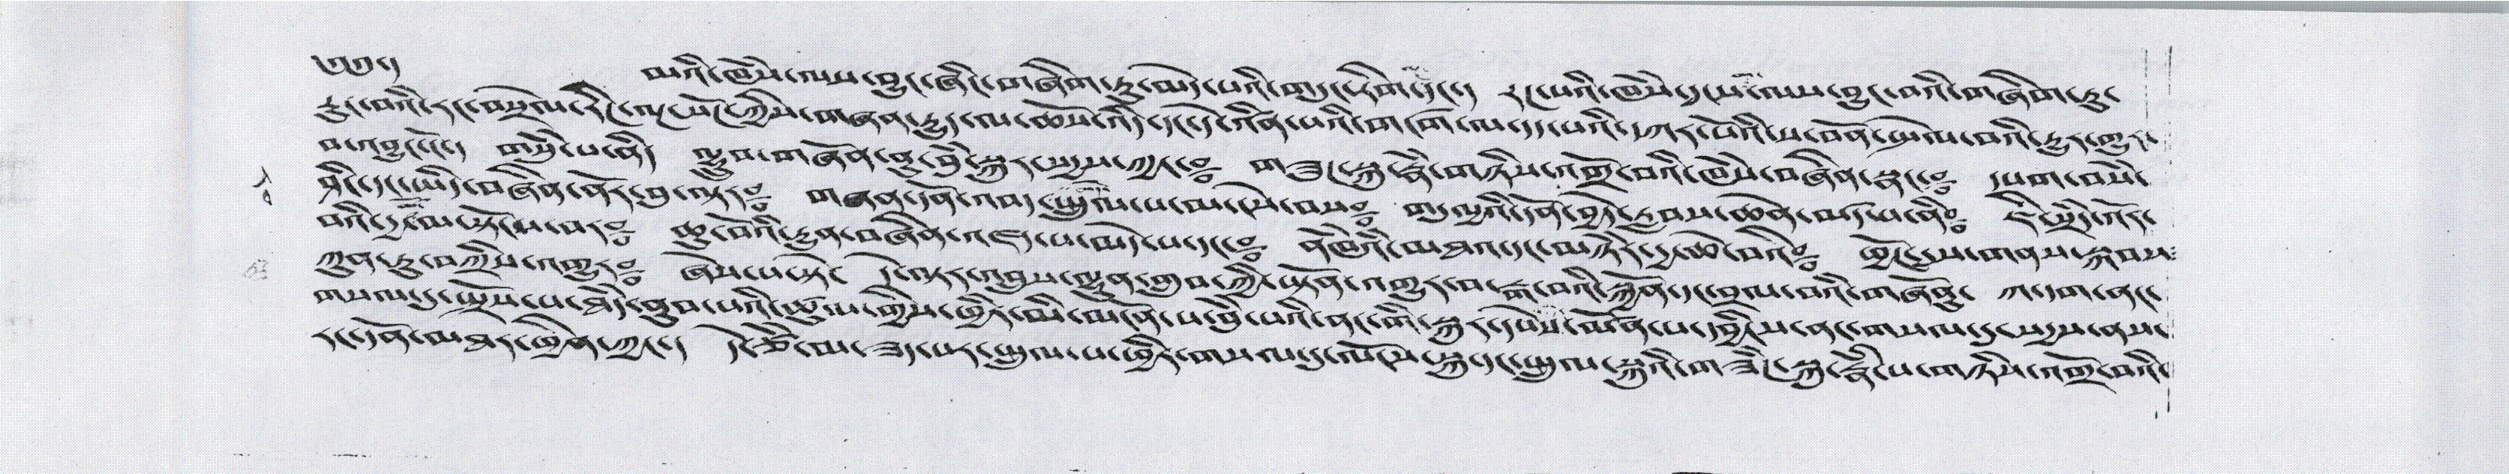མའི་ཁམས་ལས་བྱུང་ཞིང་གཞིག་ཏུ་མེད་པའི་གདུང་རིགས་དང་། རགས་པའི་ཁམས་དྭངས་མ་ལས་བྱུང་བའི་གཞིག་ཏུ་
རུང་བའི་རིང་བསྲེལ་རིགས་ལྔ་སོགས་ཀྱིས་གཞན་རྒྱུད་ལ་ཆོས་འདི་དང་དེ་འཛིན་པའི་གང་ཟག་ལ་དད་པ་དཀར་པོའི་ས་བོན་སྤེལ་བའི་རྒྱུར་གྱུར་
པ་འབྱུང་ངོ་། གསུམ་པ་ནི། ལྷུན་གྲུབ་གཞོན་ནུ་བུམ་སྐུར་སངས་རྒྱས་ཀྱངཿ གཟུགས་སྐུ་རྣམ་གཉིས་འགྲོ་བའི་ཁམས་བཞིན་སྣངཿ དཔག་བསམ་
ཤིང་དང་ཡིད་བཞིན་ནོར་བུ་ལྟརཿ གཞན་དོན་འབད་མེད་སྤྲུལ་པ་མ་ངེས་པསཿ གདུལ་བྱའི་དོན་མཛད་རླབས་ཆེན་མཛད་པ་ནིཿ ཇི་སྲིད་འཁོར་
བའི་རྒྱ་མཚོ་མ་སྟོང་བརཿ ཆུ་བོའི་རྒྱུན་བཞིན་འཛད་པ་མེད་པ་དངཿ ནམ་མཁའི་མཐའ་དང་མཉམ་པར་རྒྱ་ཆེ་བའིཿ ཕྱོགས་དུས་གནས་སྐབས་
ཀུན་ཏུ་བཀྲ་ཤིས་འགྱུརཿ ཞེས་པ་སྟེ། དེ་ལྟར་འབྲས་བུ་ལྷུན་གྲུབ་ཀྱི་ཡོན་ཏན་འགྱུར་བ་རྒ་བའི་སྐྱོན་དང་བྲལ་བའི་གཞོན་ནུ། ཀ་དག་ནང་
གསལ་དུ་སྤྲོས་པ་ཐམས་ཅད་ནུབ་པའི་ཚུལ་གྱིས་ཕྱིར་མི་མངོན་པ་བུམ་པའི་ནང་གི་སྐུར་དཔེས་མཚོན་པ་དབྱིངས་ནང་གསལ་དུ་སངས་རྒྱས་ནས་
རང་དོན་མཐར་ཕྱིན་ཀྱང་། དེ་ཙམ་མ་ཟད་པ་སྤྲུལ་པ་ཕྱིར་གསལ་དུ་ལོངས་སྐུ་དང་སྤྲུལ་སྐུའི་གཟུགས་སྐུ་རྣམ་པ་གཉིས་འགྲོ་བའི་